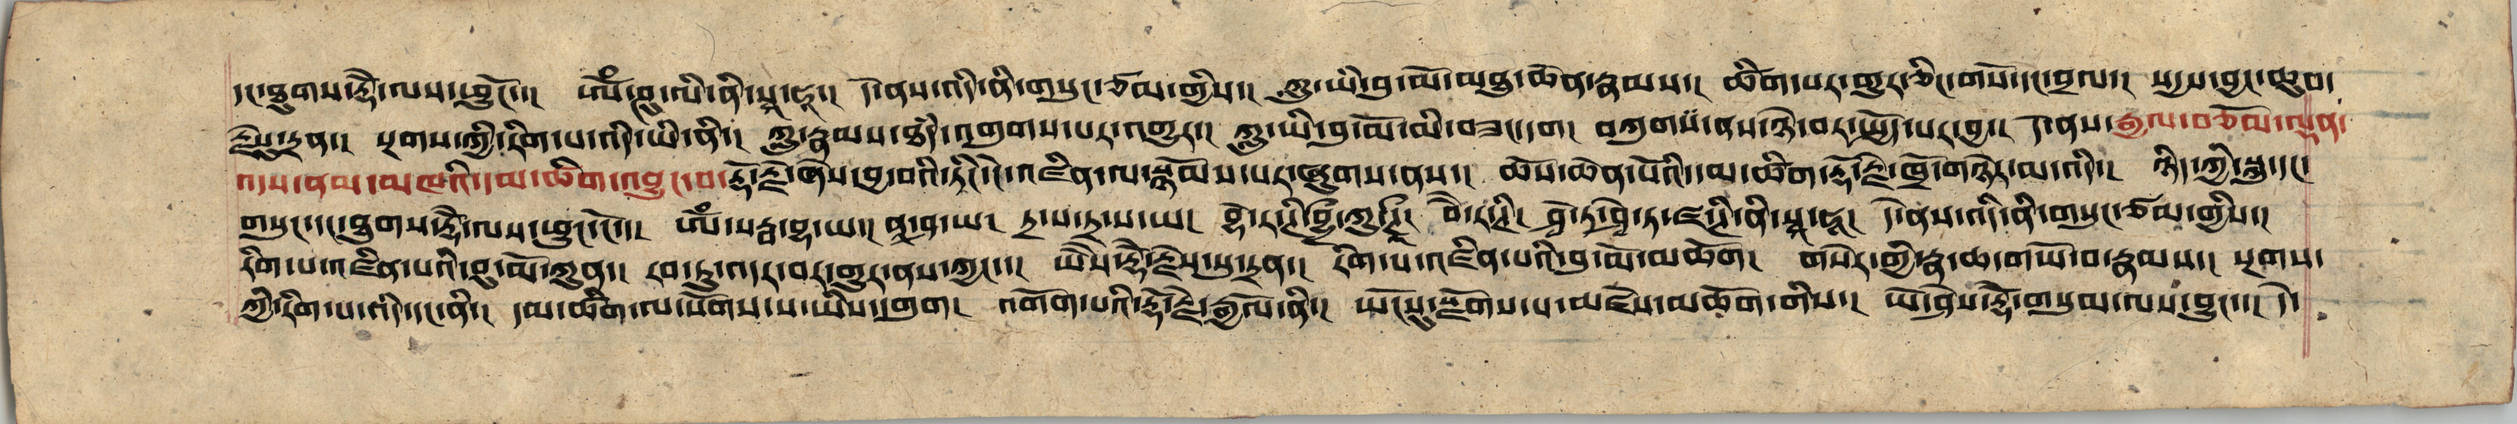དང་ཐུགས་རྡོེ་ལས་ཕྱུངོ་་། ཨོཾ་ཤུ་ལི་ནི་སྭཱ་ཧཱ་། དེ་ནས་འདི་ནི་གསུང་ཙམ་གྱིས་། ཀླུ་ཡི་བུ་མོ་མཐུ་ཆེན་རྣམས་། ཚིག་པར་གྱུར་ཅིང་གསོ་དང་བྲལ་། སདྱས་བྱང་ཆུབ་
རྗེསུ་དྲན་། སྔགས་ཀྱི་རིག་པ་འདི་ཡི་ནི་། ཀླུ་རྣམས་ཐཾད་འགུགས་པར་འགྱུར་། ཀླུ་ཡི་བུ་མོ་མི་བཟང་དག། བཀུགས་ནས་ཉེ་བར་སྤྱོད་པར་བྱ་། དེ་ནས་རྒྱལ་བཅོམ་ལྡན་
འདས་ནམ་མཁའི་དམ་ཚིག་འབྱུང་བ་རྡོ་རྗེ་ཞེས་བྱ་བའི་ཏིང་ངེ་འཛིན་ལ་སྙོམས་པར་ཞུགས་ནས་། ཆོས་ཆེན་པོའི་དམ་ཚིག་རྡོ་རྗེ་ཁྲོ་གཉེར་མ་འདི་། ཉིད་ཀྱི་སྐུ་དང་
གསུང་དང་ཐུགས་རྡོེ་ལས་ཕྱུང་ངོ་་། ཨོཾ་སརྦ་བྷ་ཡ། ནཱ་ཤ་ཡ་། ཏྲ་ས་ཏྲ་ས་ཡ། བྷེ་ར་ཊི་བྷྀ་ཀུ་ཊི། བཻ་ར་ཊི། ཤྭེ་ཏ་ཤྭེ་ཏ་ཛ་ཊི་ནི་སྭཱ་ཧཱ། དེ་ནས་འདི་ནི་གསུང་ཙམ་གྱིས་།
རིག་པ་འཛིན་པའི་བུ་མོ་ཀུན་། རབ་ཏུ་འདར་བར་གྱུར་ནས་ཀྱང་་། ཡཻས་རྡོེ་རྗེས་སུ་དྲན་། རིག་པ་འཛིན་པའི་བུ་མོ་མཆོག། གསེར་གྱི་རྣ་ཆ་གཡོ་བ་རྣམས་། སྔགས་
ཀྱི་རིག་པ་འདི་དང་ནི་། དམ་ཚིག་ལ་སོགས་ས་ཡིས་དགུག། འགོག་པའི་རྡོ་རྗེ་རྒྱལོ་ནི་། ཡོངསུ་སྫོགས་པ་མཛེས་མཆོག་གིས་། ཡེ་ཤེས་རྡོེ་གསུམ་ལས་བྱུང་་། དེ་